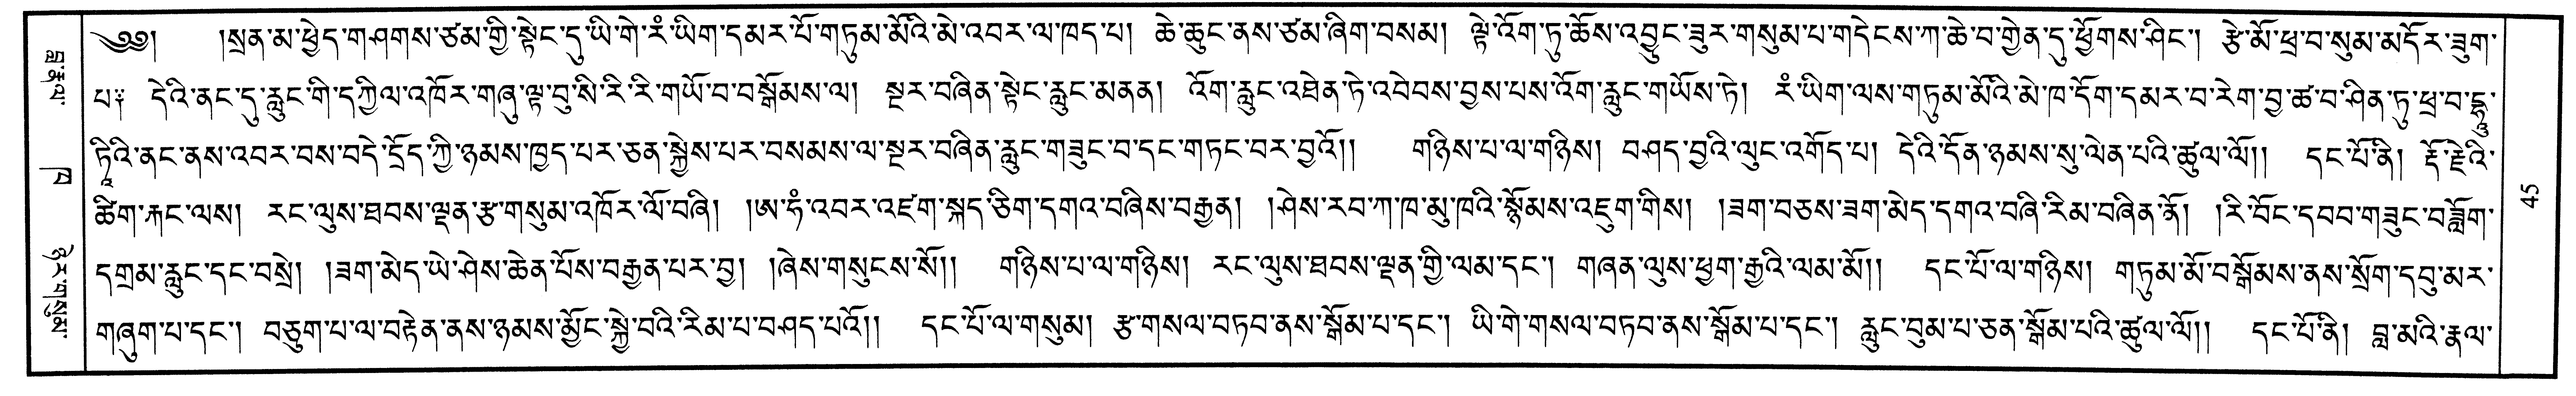༄༅། །སྲན་མ་ཕྱེད་གཤགས་ཙམ་གྱི་སྟེང་དུ་ཡི་གེ་རཾ་ཡིག་དམར་པོ་གཏུམ་མོའི་མེ་འབར་ལ་ཁད་པ། ཆེ་ཆུང་ནས་ཙམ་ཞིག་བསམ། ལྟེ་འོག་ཏུ་ཆོས་འབྱུང་ཟུར་གསུམ་པ་གདེངས་ཀ་ཆེ་བ་གྱེན་དུ་ཕྱོགས་ཤིག། རྩེ་མོ་ཕྲ་བ་སུམ་མདོར་ཟུག་
པ༑ དེའི་ནང་དུ་རླུང་གི་དཀྱིལ་འཁོར་གཞུ་ལྟ་བུ་སི་རི་རི་གཡོ་བ་བསྒོམས་ལ། སྔར་བཞིན་སྟེང་རླུང་མནན། འོག་རླུང་འཐེན་ཏེ་འབེབས་བྱས་པས་འོག་རླུང་གཡོས་ཏེ། རཾ་ཡིག་ལས་གཏུམ་མོའི་མེ་ཁ་དོག་དམར་བ་རེག་བྱ་ཚ་བ་ཤིན་ཏུ་ཕྲ་བ་དྷཱུ་
ཏཱིའི་ནང་ནས་འབར་བས་བདེ་དྲོད་ཀྱི་ཉམས་ཁྱད་པར་ཅན་སྐྱེས་པར་བསམས་ལ་སྔར་བཞིན་རླུང་གཟུང་བ་དང་གཏང་བར་བྱའོ།། གཉིས་པ་ལ་གཉིས། བཤད་བྱའི་ལུང་འགོད་པ། དེའི་དོན་ཉམས་སུ་ལེན་པའི་ཚུལ་ལོ།། དང་པོ་ནི། རྡོ་རྗེའི་
ཚིག་རྐང་ལས། རང་ལུས་ཐབས་ལྡན་རྩ་གསུམ་འཁོར་ལོ་བཞི། །ཨ་ཧཾ་འབར་འཛག་སྐད་ཅིག་དགའ་བཞིས་བརྒྱན། །ཤེས་རབ་ཀ་ཁ་མུ་ཁའི་སྙོམས་འཇུག་གིས། །ཟག་བཅས་ཟག་མེད་དགའ་བཞི་རིམ་བཞིན་ནོ། །རི་བོང་དབབ་གཟུང་བཟློག་
དགྲམ་རླུང་དང་བསྲེ། །ཟག་མེད་ཡེ་ཤེས་ཆེན་པོས་བརྒྱན་པར་བྱ། །ཞེས་གསུངས་སོ། །གཉིས་པ་ལ་གཉིས། རང་ལུས་ཐབས་ལྡན་གྱི་ལམ་དང་། གཞན་ལུས་ཕྱག་རྒྱའི་ལམ་མོ། །དང་པོ་ལ་གཉིས། གཏུམ་མོ་བསྒོམས་ནས་སྲོག་དབུ་མར་
གཞུག་པ་དང་། བཅུག་པ་ལ་བརྟེན་ནས་ཉམས་མྱོང་སྐྱེ་བའི་རིམ་པ་བཤད་པའོ། །དང་པོ་ལ་གསུམ། རྩ་གསལ་བཏབ་ནས་སྒོམ་པ་དང་། ཡི་གེ་གསལ་བཏབ་ནས་སྒོམ་པ་དང་། རླུང་བུམ་པ་ཅན་སྒོམ་པའི་ཚུལ་ལོ། །དང་པོ་ནི། བླ་མའི་རྣལ་